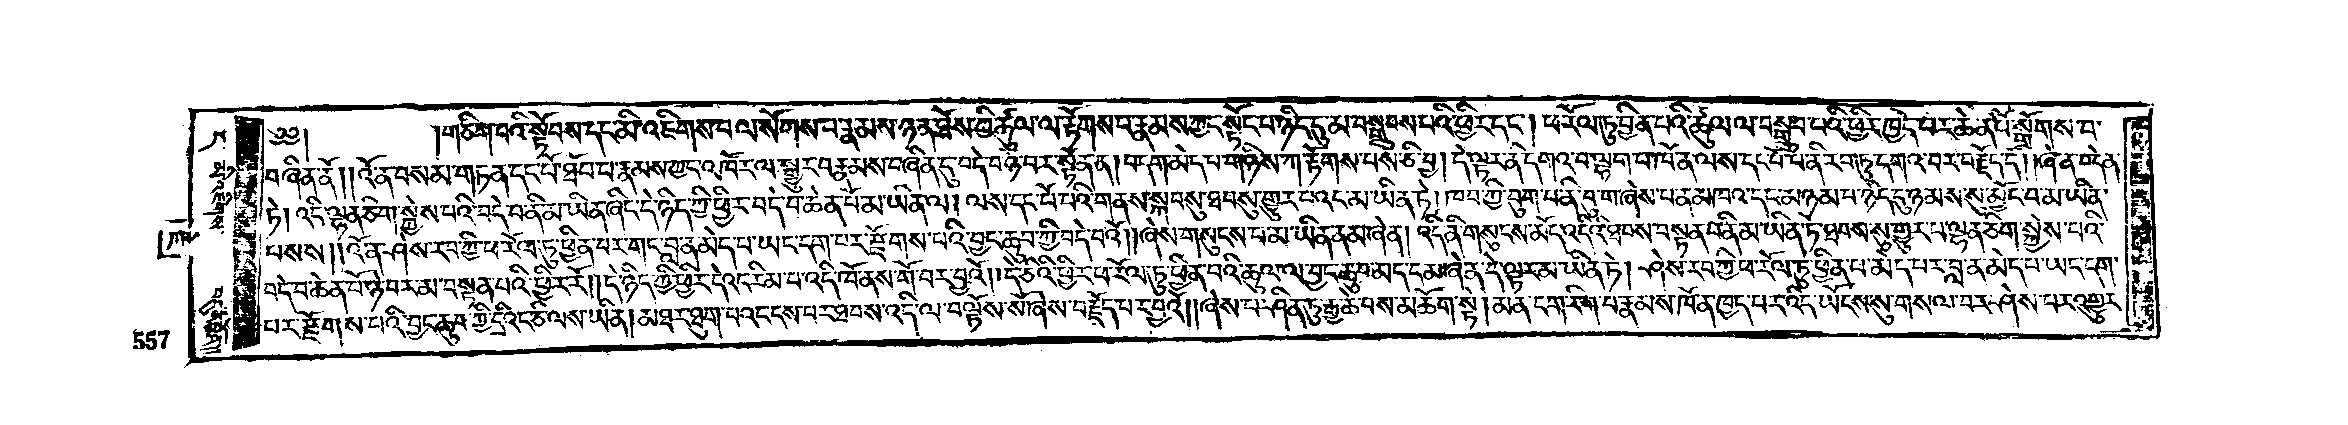༄༅། །གཅིག་པའི་སྟོབས་དང་མི་འཇིགས་པ་ལ་སོགས་པ་རྣམས་ཉན་ཐོས་ཀྱི་ཚུལ་ལ་རྟོགས་པ་རྣམས་ཀྱང་སྟོང་པ་ཉིད་དུ་མ་བསྒྲུབས་པའི་ཕྱིར་དང་། ཕ་རོལ་ཏུ་བྱིན་པའི་ཚུལ་ལ་བསྒྲུབ་པའི་ཕྱིར་ཁྱེད་པར་ཆེན་པོ་སྒྲོགས་པ་
བཞིན་ནོ། །འོ་ན་བསམ་གཏན་དང་པོ་ཐོབ་པ་རྣམས་ཀྱང་འཁོར་ལ་སྒྱུར་བ་རྣམས་བཞིན་དུ་བདེ་བ་ཉེ་བར་སྟོན་ན། བདག་མེད་པ་གཉིས་ཀ་རྟོགས་པས་ཅི་བྱ། དེ་ལྟར་ནི་དགའ་བ་ལྷག་པ་ཁོ་ན་ལས་དང་པོ་པ་ནི་རབ་ཏུ་དགའ་བར་བརྗོད་དོ། །ཞེ་ན་བདེན་
ཏེ། འདི་ལྷན་ཅིག་སྐྱེས་པའི་བདེ་བ་ནི་མ་ཡིན་ཞིང་དེ་ཉིད་ཀྱི་ཕྱིར་བདེ་བ་ཆེན་པོ་མ་ཡིན་ལ། ལས་དང་པོ་པའི་གནས་སྐབས་སུ་ཐབས་སུ་གྱུར་པའང་མ་ཡིན་ཏེ། ཁབ་ཀྱི་བུག་པ་ནི་བུ་ག་ཞེས་པ་ནམ་མཁའ་དང་མཉམ་པ་ཉིད་དུ་ཉམས་སུ་མྱོང་བ་མ་ཡིན་
པས་ས། །འོ་ན་ཤེས་རབ་ཀྱི་ཕ་རོལ་ཏུ་ཕྱིན་པར་གང་བླ་ན་མེད་པ་ཡང་དག་པར་རྫོགས་པའི་བྱང་ཆུབ་ཀྱི་བདེ་བའོ། །ཞེས་གསུངས་པ་མ་ཡིན་ནམ་ཞེ་ན། འདི་ནི་གསུངས་མོད་འདིའི་ཐབས་བསྟན་པ་ནི་མ་ཡིན་ཏེ་ཐབས་སུ་གྱུར་པ་ལྷན་ཅིག་སྐྱེས་པའི་
བདེ་བ་ཆེན་པོ་ཉེ་བར་མ་བསྟན་པའི་ཕྱིར་རོ། །དེ་ཉིད་ཀྱི་ཕྱིར་དེའང་རིམ་པ་འདི་ཁོ་ནས་གོ་བར་བྱའོ། །དེ་ཅིའི་ཕྱིར་ཕ་རོལ་ཏུ་ཕྱིན་པའི་ཚུལ་ལ་བྱང་ཆུབ་མེད་དམ་ཞེ་ན་དེ་ལྟར་མ་ཡིན་ཏེ། ཤེས་རབ་ཀྱི་ཕ་རོལ་ཏུ་ཕྱིན་པ་མེད་པར་བླ་ན་མེད་པ་ཡང་དག་
པར་རྫོགས་པའི་བྱང་ཆུབ་ཀྱི་དྲིའང་ཅི་ལས་ཡིན། མཐར་ཐུག་པའང་ངས་པར་ཐབས་འདི་ལ་བལྟོས་སོ་ཞེས་བརྗོད་པར་བྱའོ། །ཞེས་པ་ཤིན་ཏུ་རྒྱ་ཆེ་བས་མཆོག་སྟེ། མན་ངག་རིག་པ་རྣམས་ཁོ་ན་ཁྱད་པར་འདི་ཡོངས་སུ་གསལ་བར་ཤེས་པར་འགྱུར་